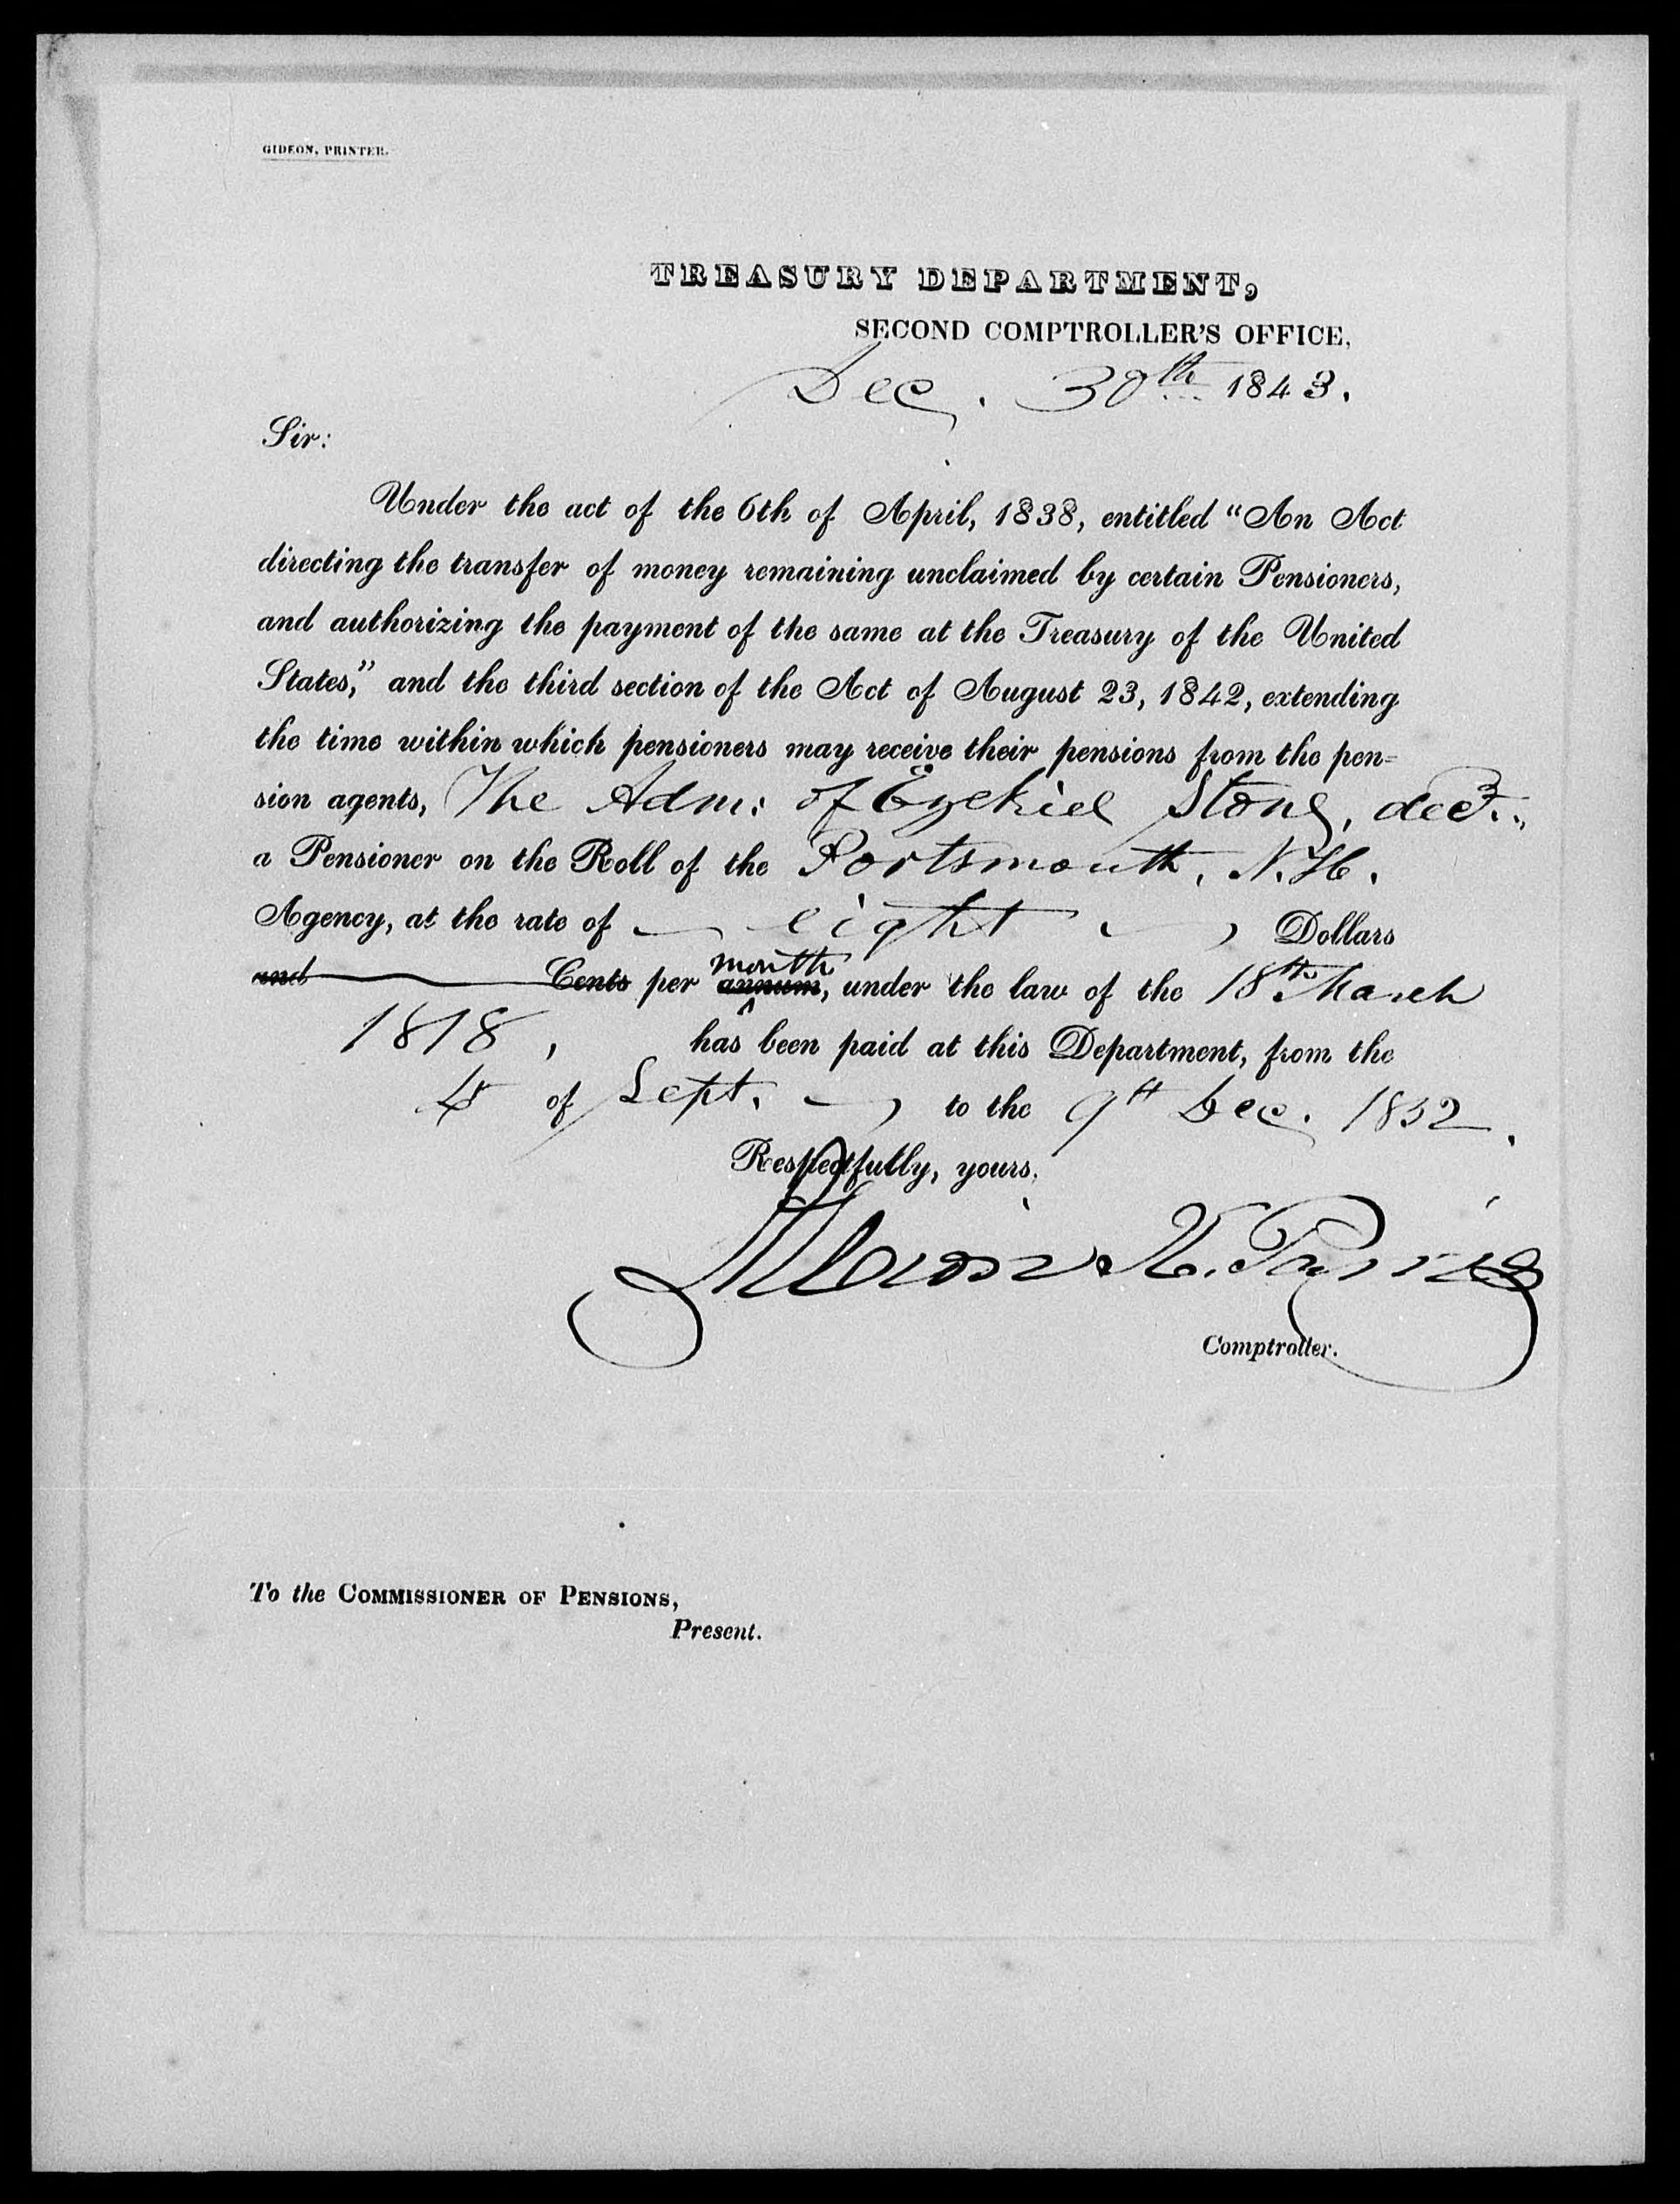GIDEON, PRINTER.

TREASURY DEPARTMENT,
SECOND COMPTROLLER'S OFFICE.
Dec. 30th 1843.

Sir:

Under the act of the 6th of April, 1838, entitled "An Act directing the transfer of money remaining unclaimed by certain Pensioners, and authorizing the payment of the same at the Treasury of the United States," and the third section of the Act of August 23, 1842, extending the time within which pensioners may receive their pensions from the pension agents, The Adm: of Ezekiel Stone, dec'd, a Pensioner on the Roll of the Portsmouth, N.H. Agency, at the rate of eight Dollars ["and Cents" stricken out] per month ["annum" stricken out] under the law of the 18th March 1818, has been paid at this Department, from the 4 of Sept.--to the 9th Dec. 1832.
Respectfully, yours.
Albion K. Parris
Comptroller.

To the COMMISSIONER OF PENSIONS,
Present.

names: Ezekiel Stone; Albion K Parris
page: 17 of 38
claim: survivor's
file: S. 43181, for Ezekiel Stone, New Hampshire